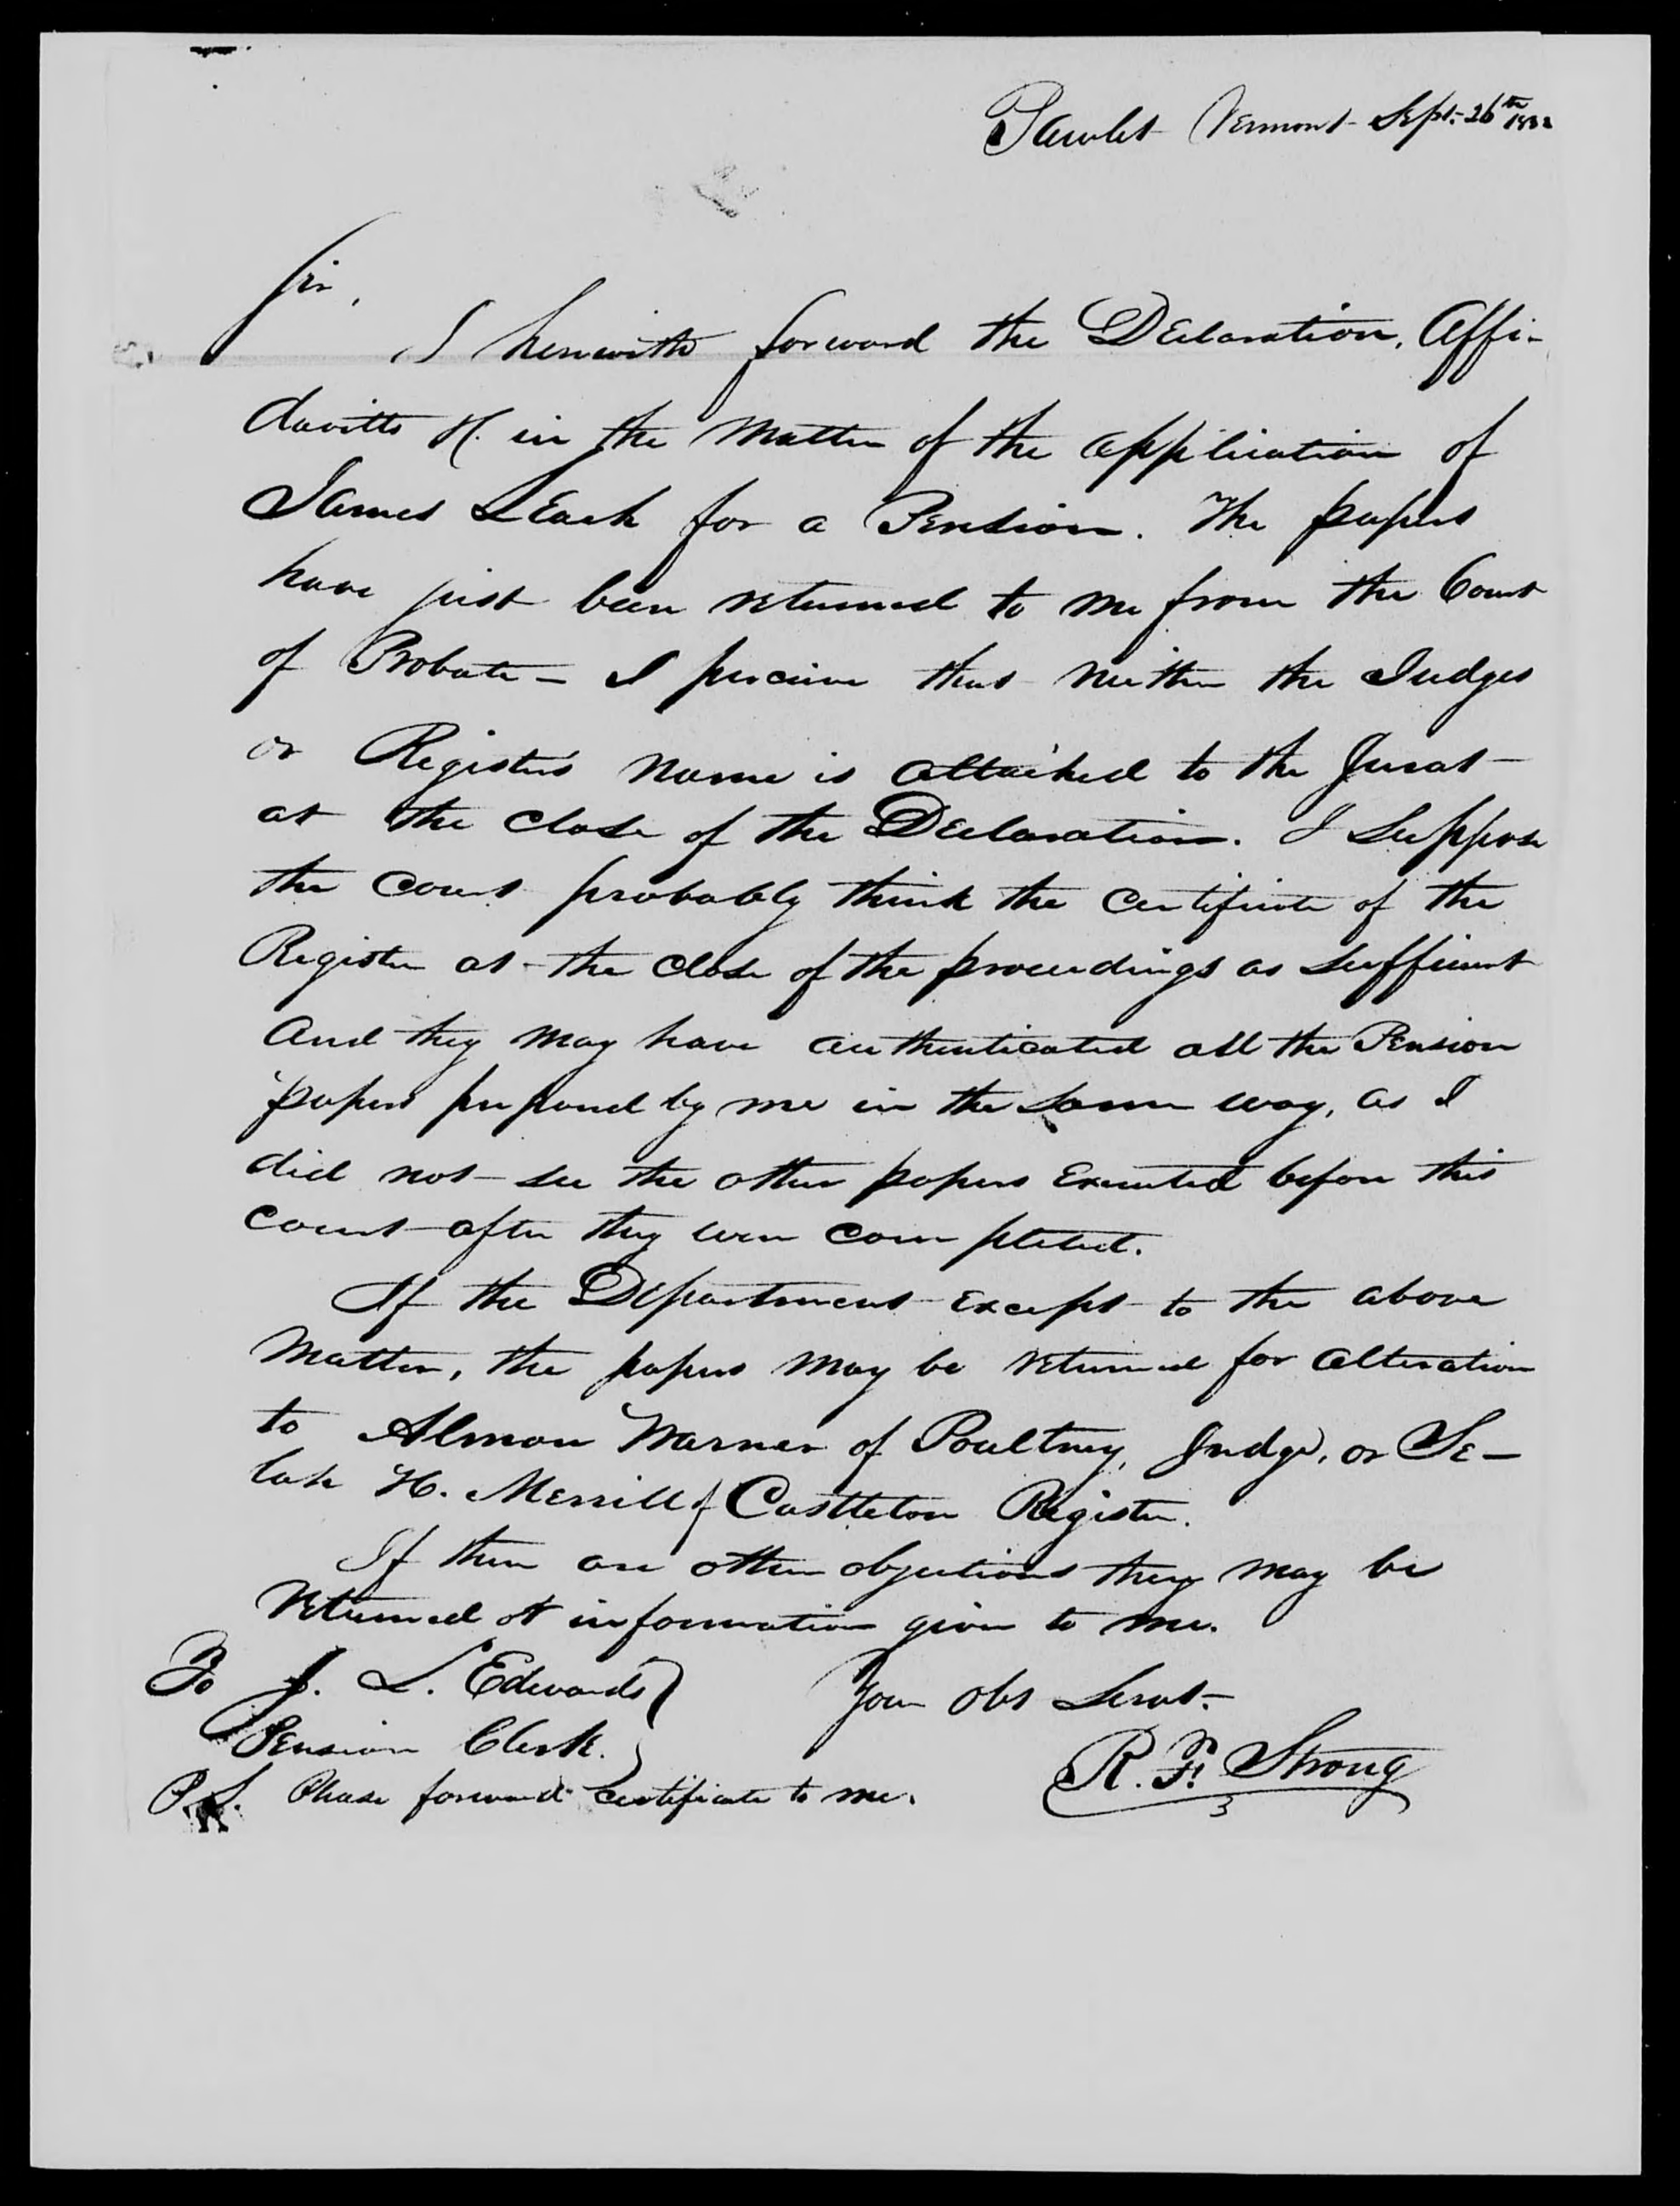Pawlet Vermont Sept 26th 1838

Sir,
I herewith forward the Declaration affidavits in the matter of the application of James Leach for a Pension. The papers have first been returned to me from the Court of Probate - I perceive thus neither the Judges or Registers name is attached to the Jurat at the close of the Declaration. I suppose the Court probably think the certificate of the Register as the close of the proceedings as sufficient and they have have authenticated all the pension papers per hand by me in the same way, as I did not see the other papers executed before this court after they were completed.
If the Department excepts to the above matter, the papers may be returned for alteration to Almon Warner of Poultney, Judge, or Declare H. Merrill of Castleton Register
If there are other objections they may be returned as information given to me
Your obs Servt
R. F. Strong
To J.L. Edwards
Pension Clerk
P.S. Please forward certificate to me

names: R F Strong; J L Edwards; Almon Warner; Selah H Merrill; James Leach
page: 25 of 27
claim: widow's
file: W. 24,500, for James Leach, Connecticut